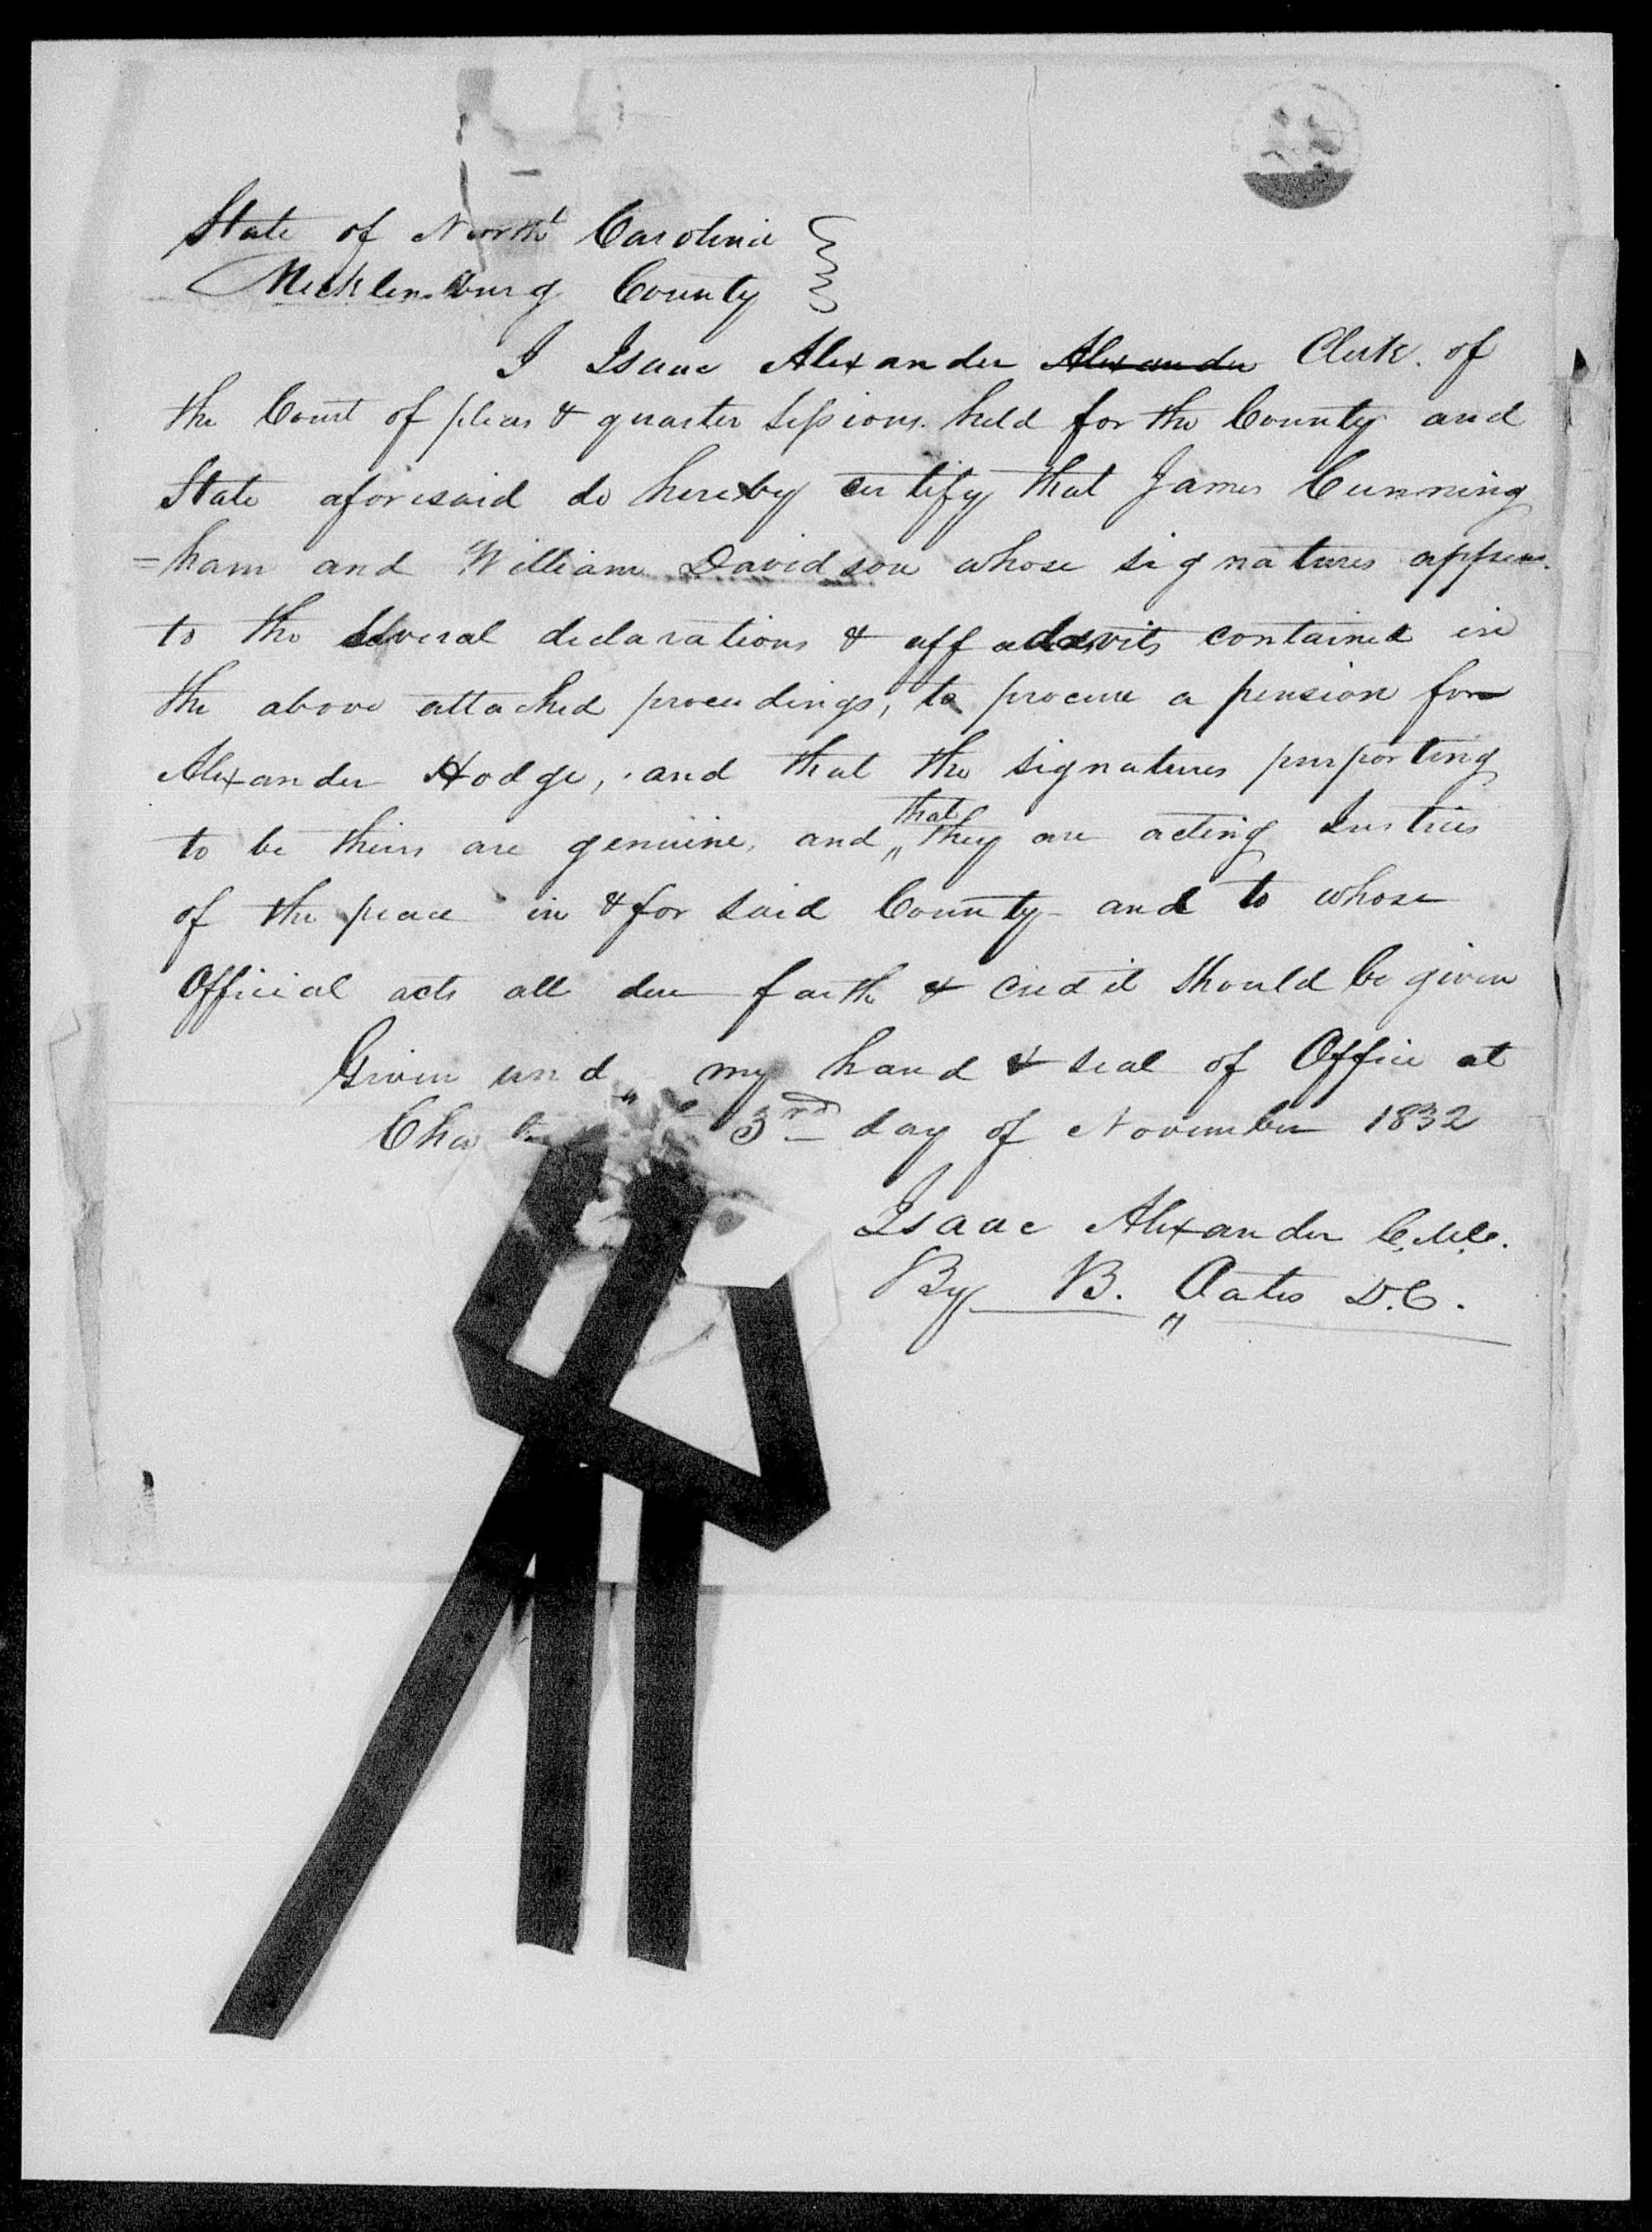State of North Carolina}
Mechlenburg County}

I Isaac Alexander [Alexander- crossed out] Clerk of the Court of pleas & quarter sessions held for the County and State aforesaid do hereby certify that James Cunningham and William Davidson whose signatures appear to the Several declaration & affidavits contained in the above attached proceedings, to procure a pension for Alexander Hodge, and that the signatures purporting to be theirs are genuine, and that they are acting Justices of the peace in & for said County and to whose Official acts all due faith & credit should be given

Given und my hand & seal of Office at Cha??ton [illegible, covered by ribbon] 3rd day of November 1832

Isaac Alexander C. W.
By B. Aotis D.C.

(Seal with ribbons)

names: James Cunningham, Isaac Alexander, William Davidson, Alexander Hodge, Isaac Alexander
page: 13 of 14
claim: survivor's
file: S. 8737, Alexander Hodge, N.C.